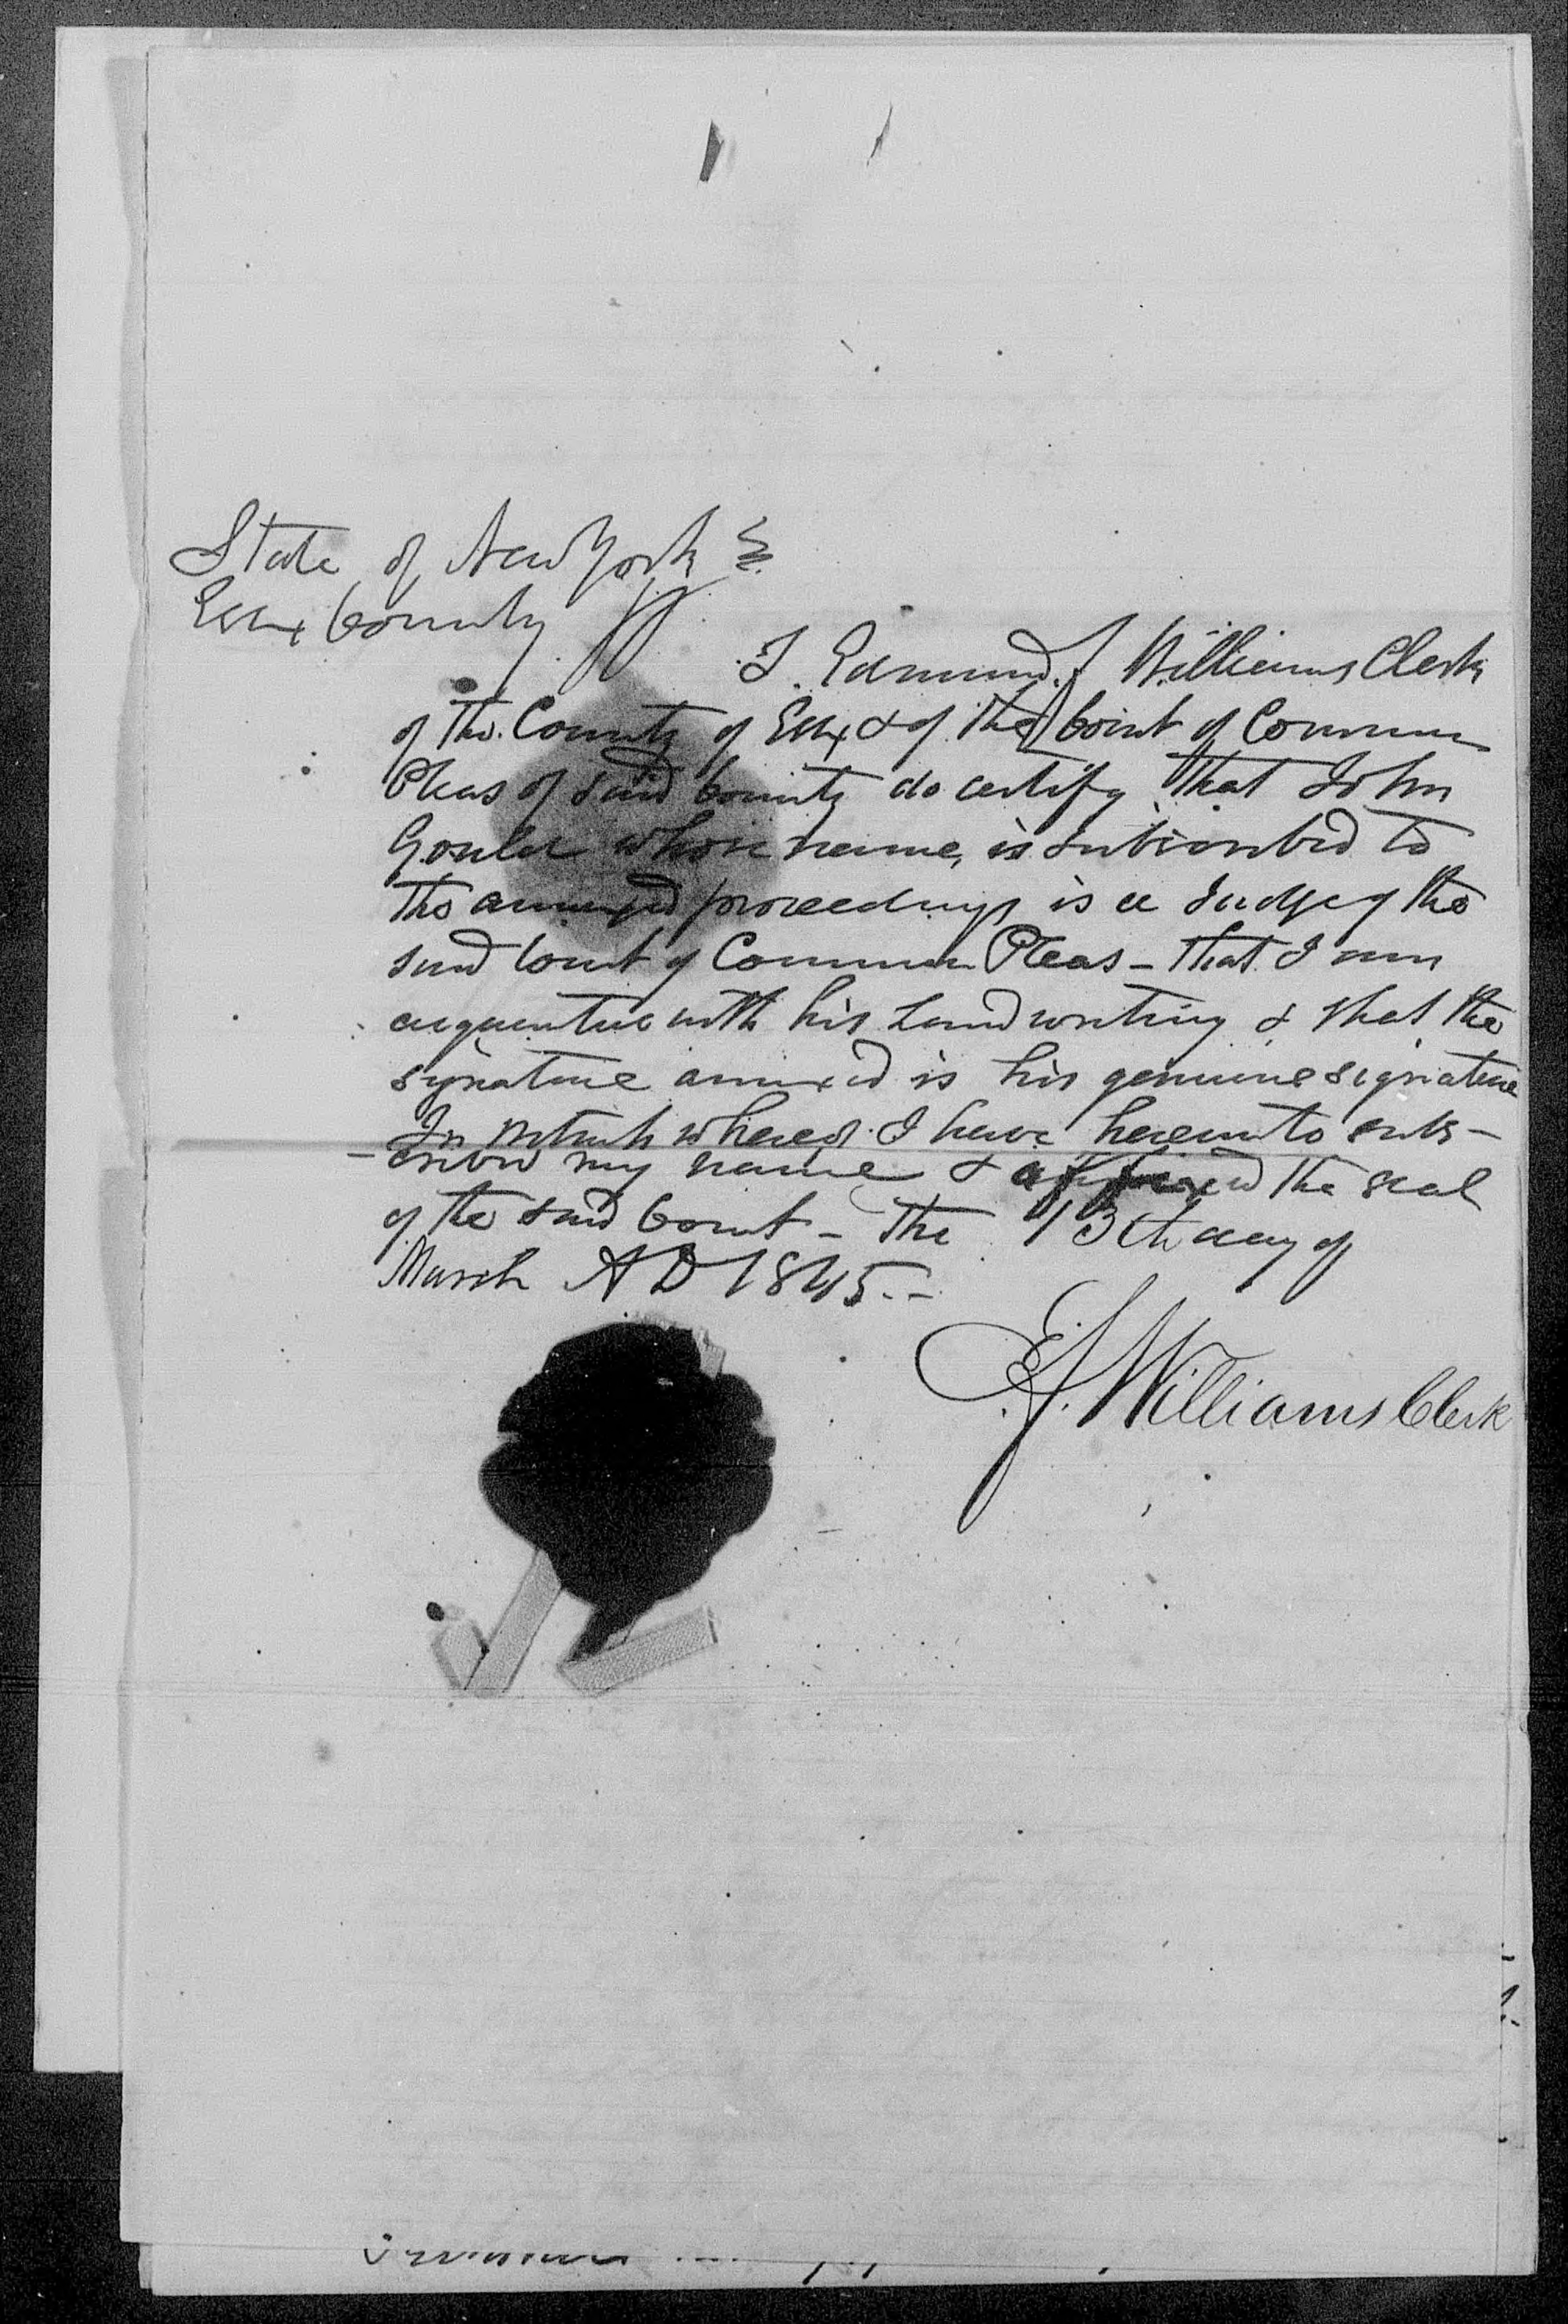State of New York Essex County ss:
I Edmund F Williams clerk of the county of Essex & of the Court of Common Pleas of said county do certify that John Gould whose name is subscribed to the annexed proceedings is a judge of the said Court of Common Pleas - that I am acquainted with his handwriting & that the signature annexed is his genuine signature. In witness whereof I have hereunto subscribed my name & affixed the seal of the said court - the 13th day of March AD 1845

E F Williams Clerk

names: John Gould, Edmund F Williams, E F Williams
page: 5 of 51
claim: widow's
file: W. 1698, Oliver Barker, Conn.